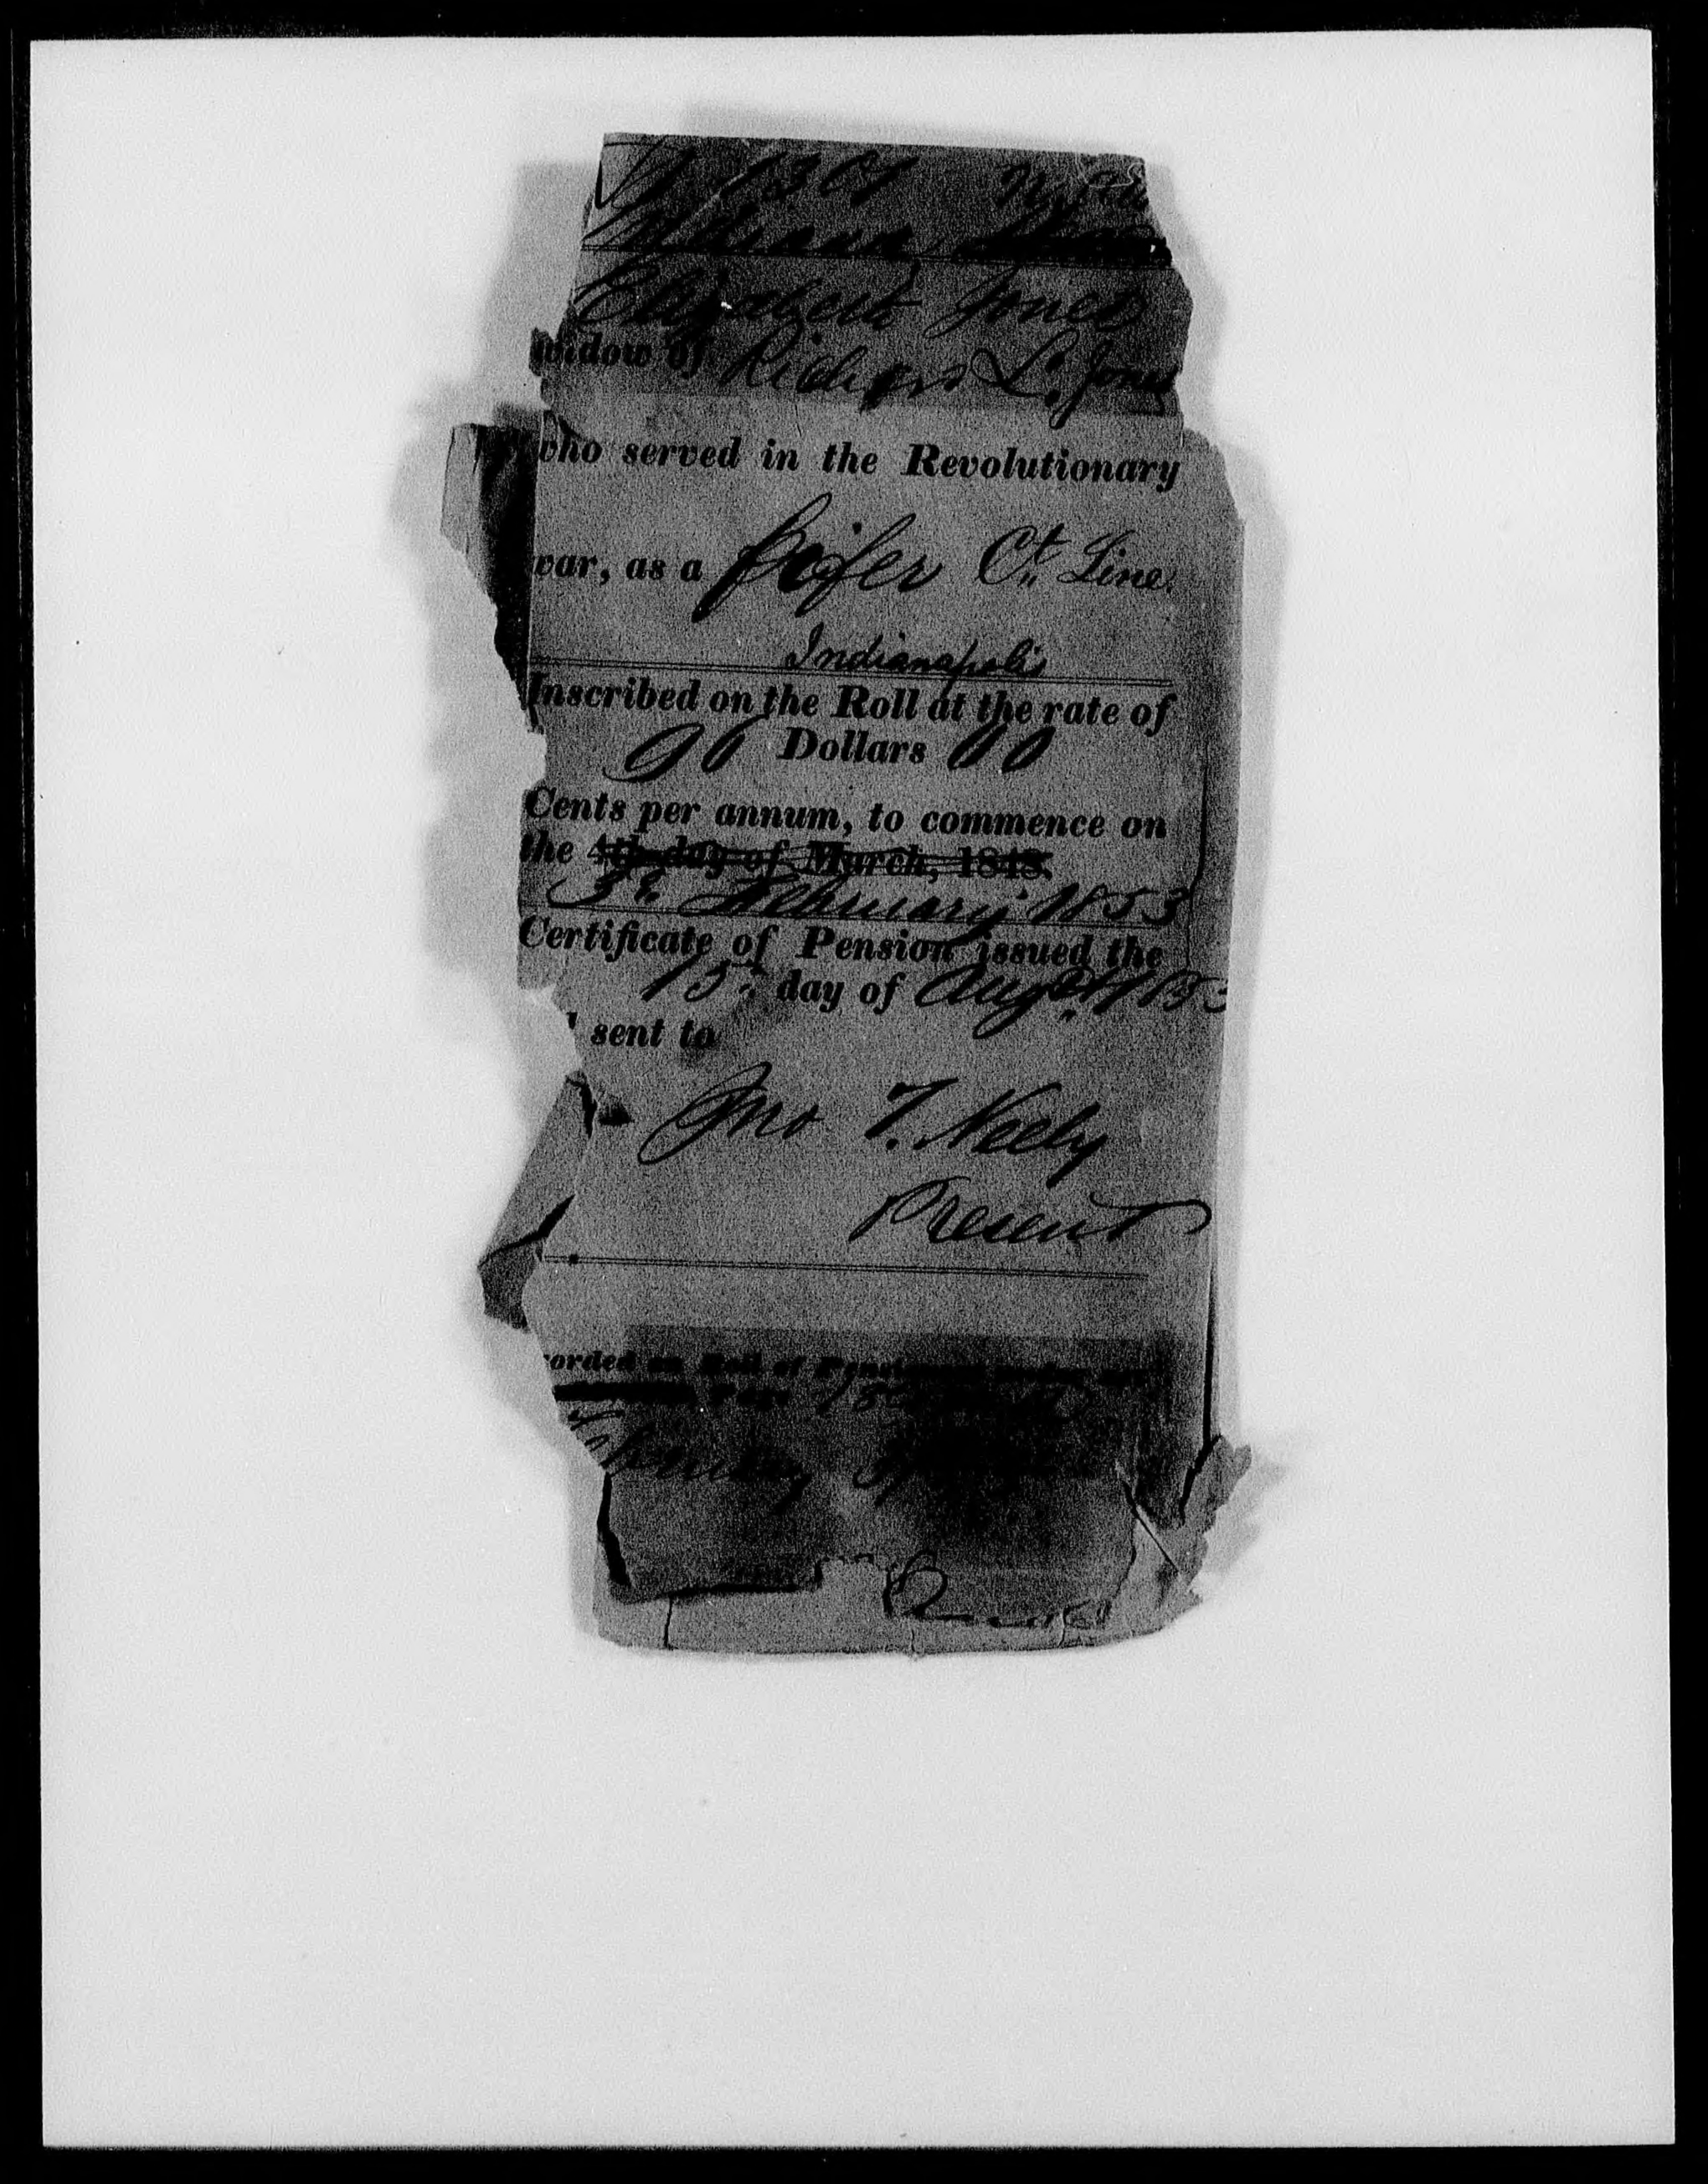1301
Indiana [illegible]
Elizabeth Jones
Widow of Richard L: Jones
who served in the Revolutionary war, as a fifer
Ct Line.
Indianapolis
Inscribed on the Roll at the rate of 96 dollars 00
Cents per annum, to commence on 3rd February 1853
Certificate of Pension issued the 15th day of August 1853
[and] sent to Jno. T. Neely
Present
Recorded on the Roll of Pension [illegible]page 18 [illegible]
February [illegible]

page: 5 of 62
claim: widow's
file: W. 765, for Richard L Jones, Connecticut